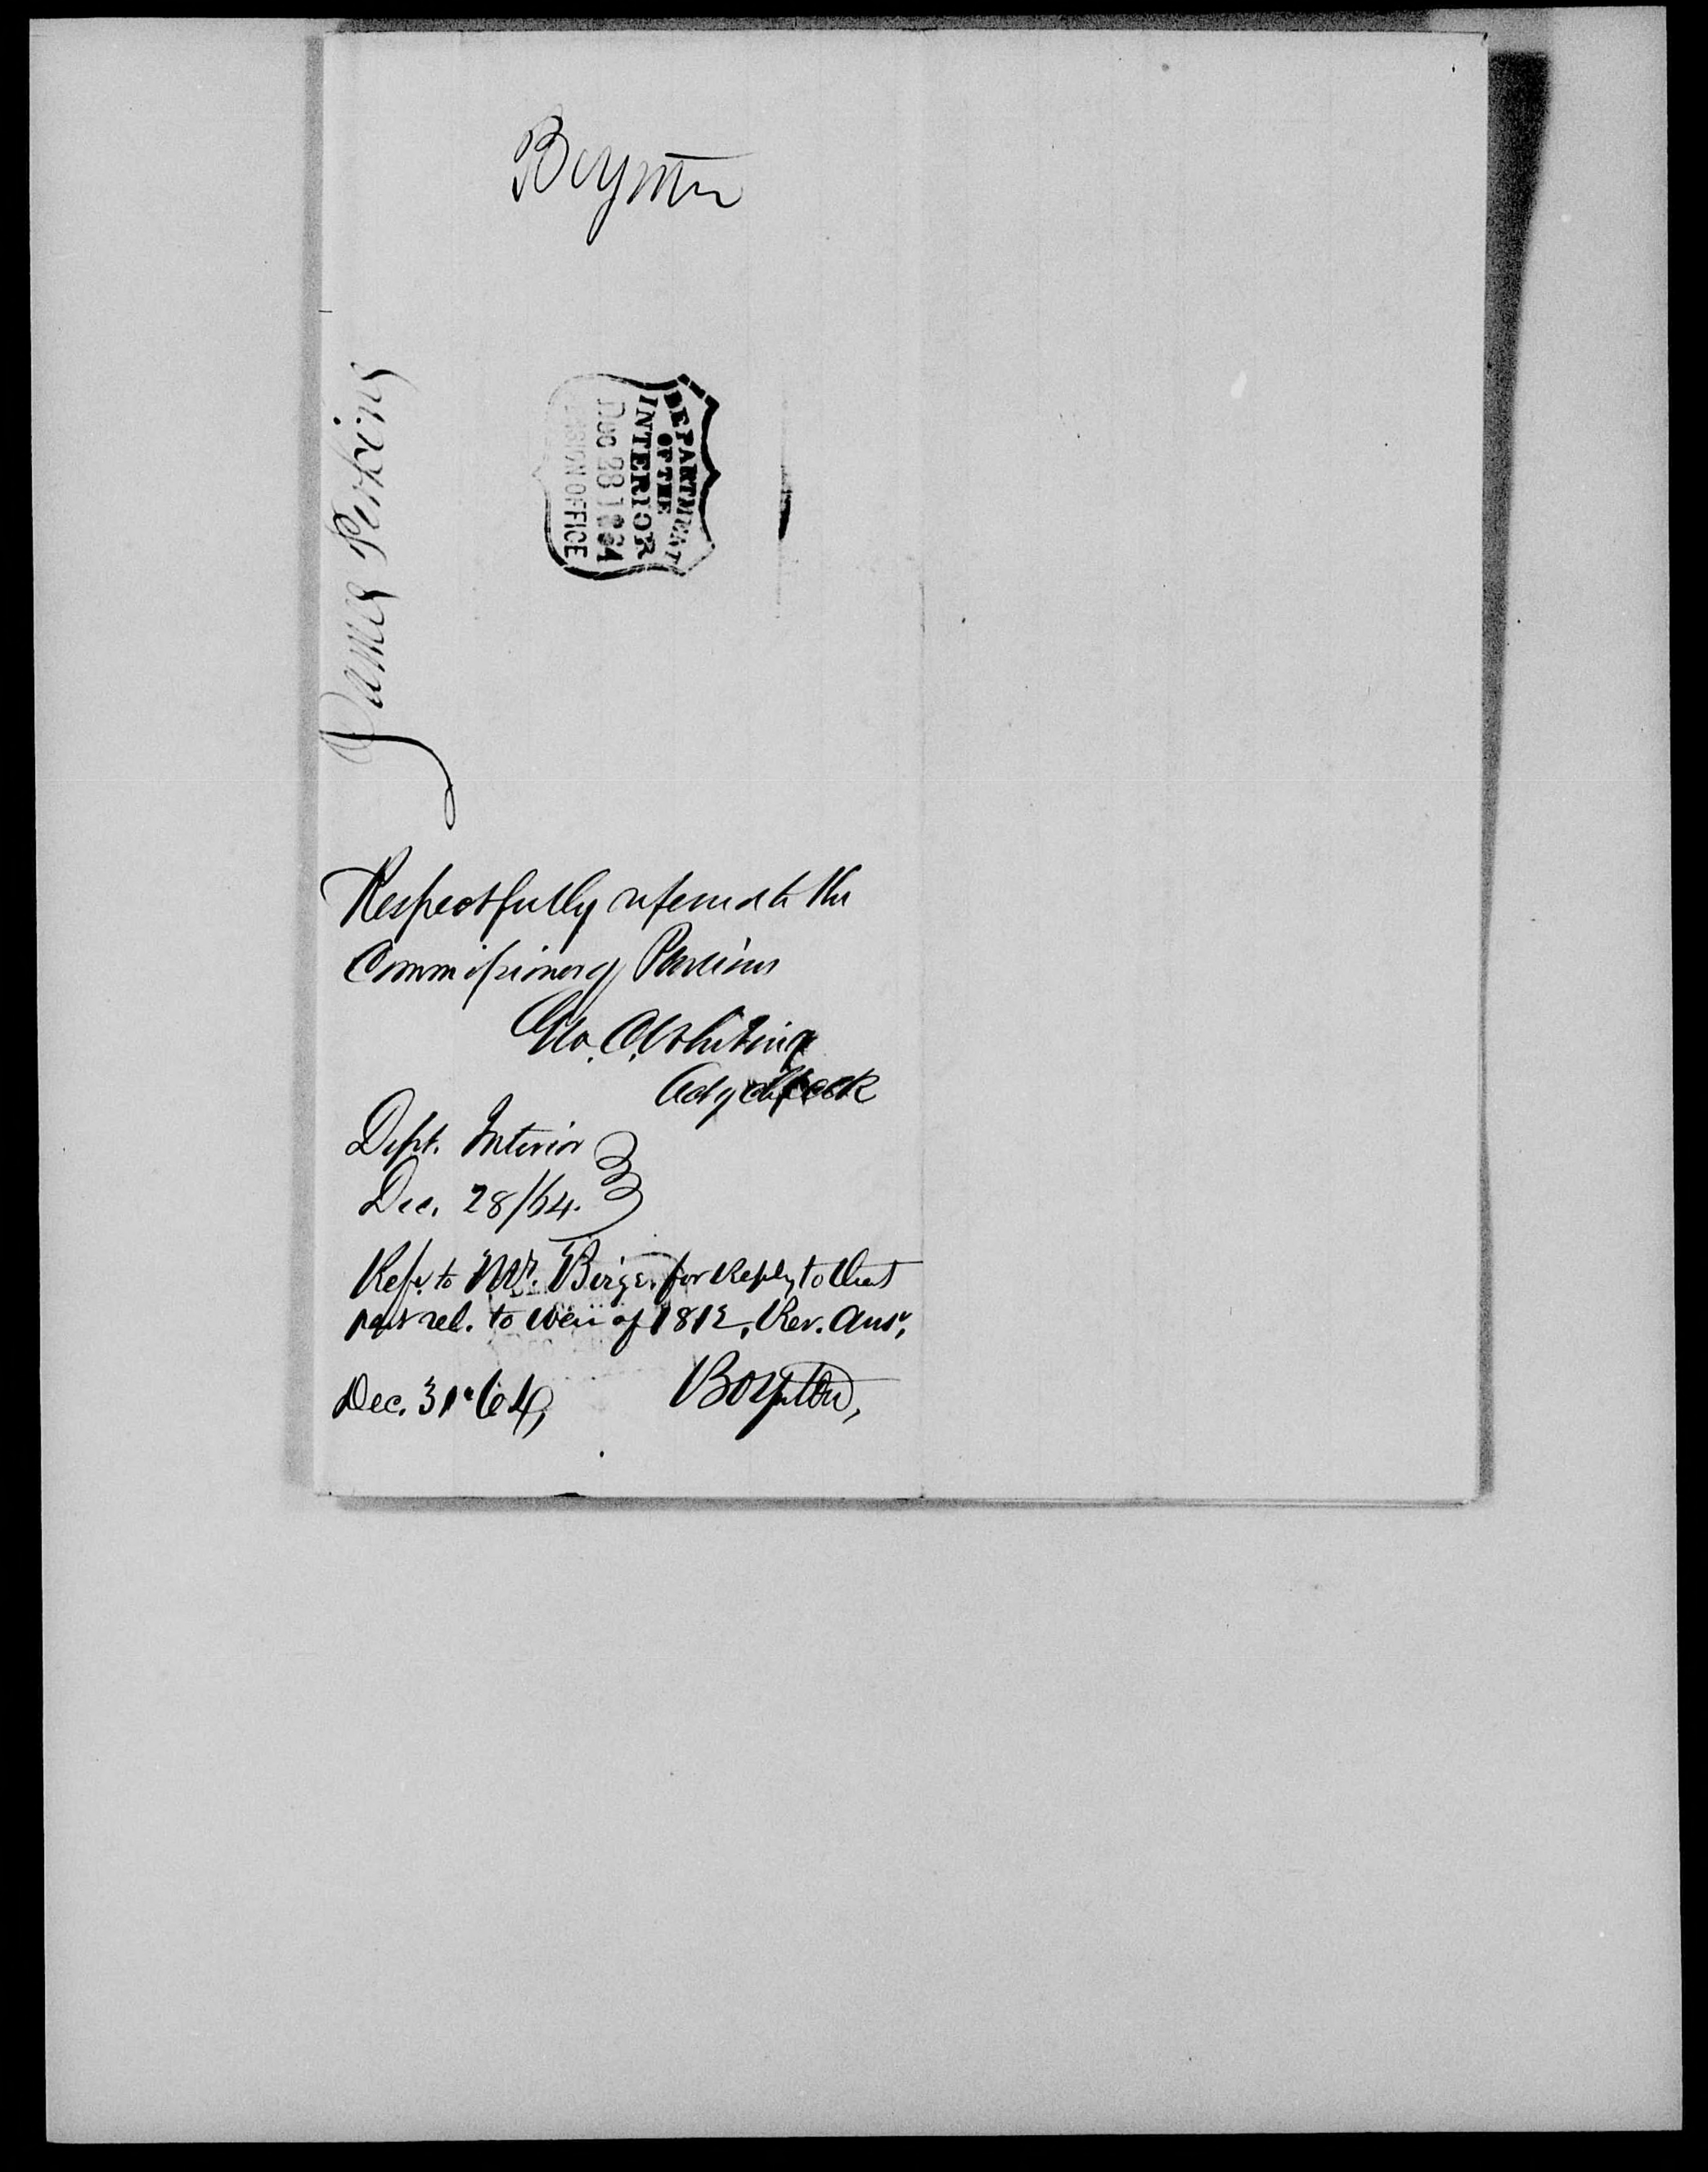Boynton
James Perkins

[stamp]
DEPARTMENT OF THE Interior Dec 28 1864 PENSION OFFICE

Respectfully referred to the Commissioner of Pensions 
Geo C. Whiting Actg chf Clerk
Dept. Interior
Dec. 28/64.
Ref. to Mr Birge [or Berger] for Reply to that past rel. to War of 1812, Rev. Ans. 
Dec. 31 64,  Boynton,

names: Geo O Whiting; [BLANK] Boynton; [BLANK] Birger; James Perkins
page: 16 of 44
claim: rejected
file: R. 17,033, for Joseph Perkins, New York